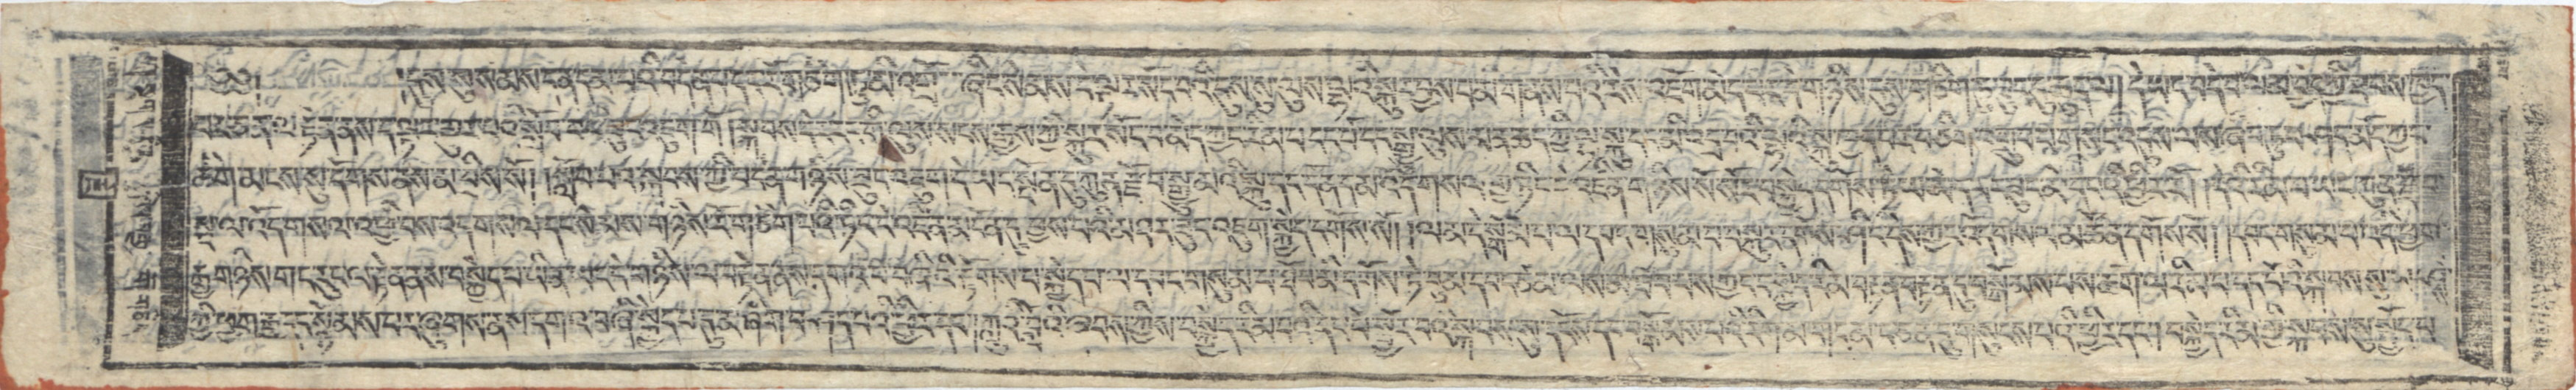༄༅། །དུས་སུ་སེམས་དོན་དམ་པའི་བདེན་པ་དང་རོ་གཅིག་ཏུ་མི་འགྲོ་ཞིང་སེམས་དེ་ལྟར་སོང་བའི་དུས་སུ་ལུས་ལྷའི་སྐུར་བྱས་པ་མི་གནས་པའི་རེས་འཇོག་མེད་པར་དེ་གཉིས་དུས་གཅིག་ཏུ་ཟུང་དུ་ཆུད་ལ། དེ་ཡང་བདེ་བ་ལམ་བྱེད་ཀྱི་ཐབས་ཁྱད་
པར་ཅན་ལ་རྟེན་ནས་དེ་ལྟར་གྱུར་པའི་སློབ་པའི་ཟུང་འཇུག་གོ །སྐབས་དེར་རང་གི་ལུས་སངས་རྒྱས་ཀྱི་སྐུར་སོང་བ་མད་ཀྱང་རིམ་པ་དང་པོ་དང་སྒྱུ་ལུས་མན་ཆད་ཀྱི་ལྷ་སྐུ་དང་མི་འདྲ་བའི་སྐུ་ཁྱད་པར་བཅིག་འགྲུབ་པ་གསང་འདུས་ལས་ཞིབ་ཏུ་བཤད་མོད་ཀྱང་
ཚིག་མངས་སུ་དོགས་ནས་མ་བྲིས་སོ། །སློབ་པའི་སྐབས་ཀྱི་བདེན་གཉིས་ཟུང་འཇུག་དེ་ཡང་སྔོན་དུ་ཀུན་རྫོབ་སྒྱུ་མའི་སྐུ་དང་དོན་དམ་འོད་གསལ་གྱི་ཏིང་ངེ་འཛིན་གཉིས་སོ་སོར་བསྐྱེད་དགོས་ཏེ་ཡ་མེད་པར་ཟུང་མེད་པའི་ཕྱིར་རོ། །དེའི་རིམ་པ་ཡང་ཀུན་རྫོབ་
སྔ་ལ་འོད་གསལ་འཕྱི་བས་འོད་གསལ་དང་སེམས་གཉིས་རོ་གཅིག་པའི་ཏིང་ངེ་འཛིན་མངོན་དུ་བྱས་པའི་མཐར་ཟུང་འཇུག་སྐྱེད་དགོས་སོ། །ལམ་དེ་སྒོམ་པ་ལ་དབང་གསུམ་པ་བསྐུར་དགོས་ཤིང་དེས་ཀྱང་འོད་གསལ་མཚོན་དགོས་སོ། །དབང་གསུམ་པ་འདི་ཕྱག་
རྒྱ་གཉིས་གང་རུང་ལ་རྟེན་ནས་བསྐྱེད་པ་ཡིན་ཡང་དེ་གཉིས་ལ་བརྟེན་ནས་དགའ་པ་བཞིའི་རྟོགས་པ་སྐྱེད་པ་ལ་དབང་གསུམ་པ་ཐོབ་མི་དགོས་ཏེ་བུམ་དབང་ཙམ་ལས་མ་ཐོབ་པས་ཀྱང་བསྐྱེད་རིམ་བརྟན་བརྟན་དུ་བསྒོམས་པས་ཆོག་ལ་རིམ་པ་དང་པོའི་སྐབས་སུ་ཡེ་ཤེས་
ཀྱི་ཕྱག་རྒྱ་དང་སྙོམས་པར་ཞུགས་ནས་དགའ་བཞི་སྐྱེད་པ་དུ་མ་ཞིག་བཤད་པའི་ཕྱིར་དང་། ཀླུའི་བློའི་ཞབས་ཀྱིས་བསྐྱེད་རིམ་པའི་དང་པོ་སྦྱོར་བའི་སྐབས་སུ་དངོས་དང་བསྒོམས་པའི་རིག་མ་གདམ་ང་ཅན་དུ་གསུངས་པའི་ཕྱིར་དང་། བསྐྱེད་རིམ་གྱི་སྐབས་སུ་སྤྱོད་པ་